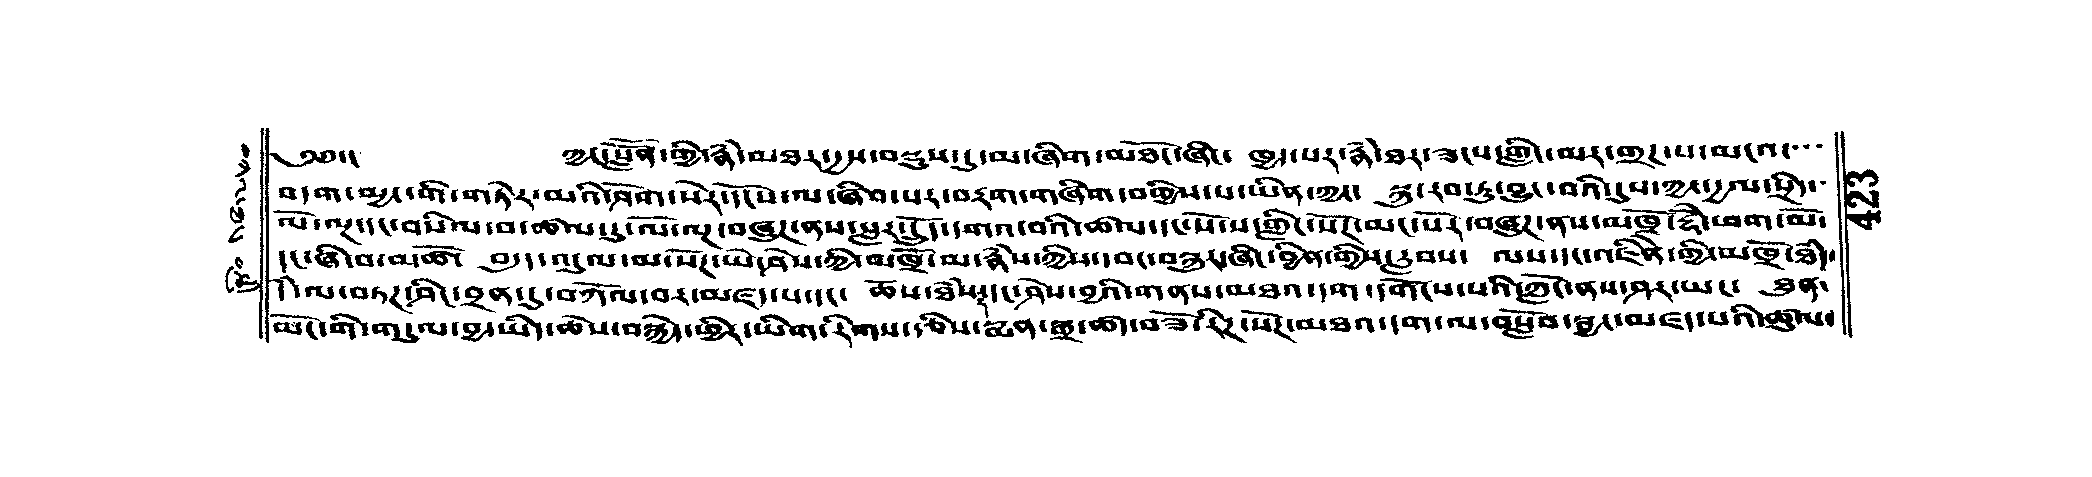ཀྱང་སློབ་དཔོན་གྱི་རྣམ་ཐར་རྒྱས་བསྡུས་དུ་མ་ཞིག་མཐོང་ཞིང་། ཁྱད་པར་རྣམ་ཐར་ཟངས་གླིང་མར་གྲགས་པ་མངའ་
བདག་མྱང་གི་གཏེར་མའི་ཤོག་སེར་དངོས་ལ་ཞིབ་པར་བརྟག་གཞིབ་བགྱིས་པ་ཡིན་ཀྱང་།སྐུ་རབ་ཏུ་བྱུང་བའི་དུས་ཀྱང་རྒྱལ་སྲིད་
ལོ་ལྔ་དང་བསིལ་བ་ཚལ་དུ་ལོ་ལྔ་བཞུགས་ནས་སླར་དུར་ཁྲོད་དགའ་བའི་ཚལ་དང་སོ་ས་གླིང་སོགས་མང་པོར་བཞུགས་ནས་མཁའ་འགྲོ་རྡོ་རྗེ་ཕག་མོ་
དང་ཞི་བ་མཚོ། བདུད་འདུལ་མ་སོགས་ཡེ་ཤེས་ཀྱི་མཁའ་འགྲོ་མ་རྣམས་ཀྱིས་དབང་བསྐུར་ཞིང་བྱིན་གྱིས་རླབས། ལས་དང་འཇིག་རྟེན་གྱི་མཁའ་འགྲོ་ཐམས་ཅད་
དམ་ལ་བཏགས་ཤིང་བྲན་དུ་བཀོལ་བར་མཛད་པ་དང་། ཆོས་ཐམས་ཅད་དང་ཤེས་བྱའི་གནས་མཐའ་དག་དགོངས་པའི་ཀློང་ནས་ཤར་ཡང་། ཐུན་
མོང་གི་གདུལ་བྱ་ཡིད་ཆེས་བསྐྱེད་ཕྱིར་ཡིག་རིགས་རྩིས་སྨན་སྒྲ་ཚད་བཟོ་རིགས་སོགས་མཐའ་དག་ལ་བསླབ་སྦྱང་མཛད་པའི་ཚུལ་